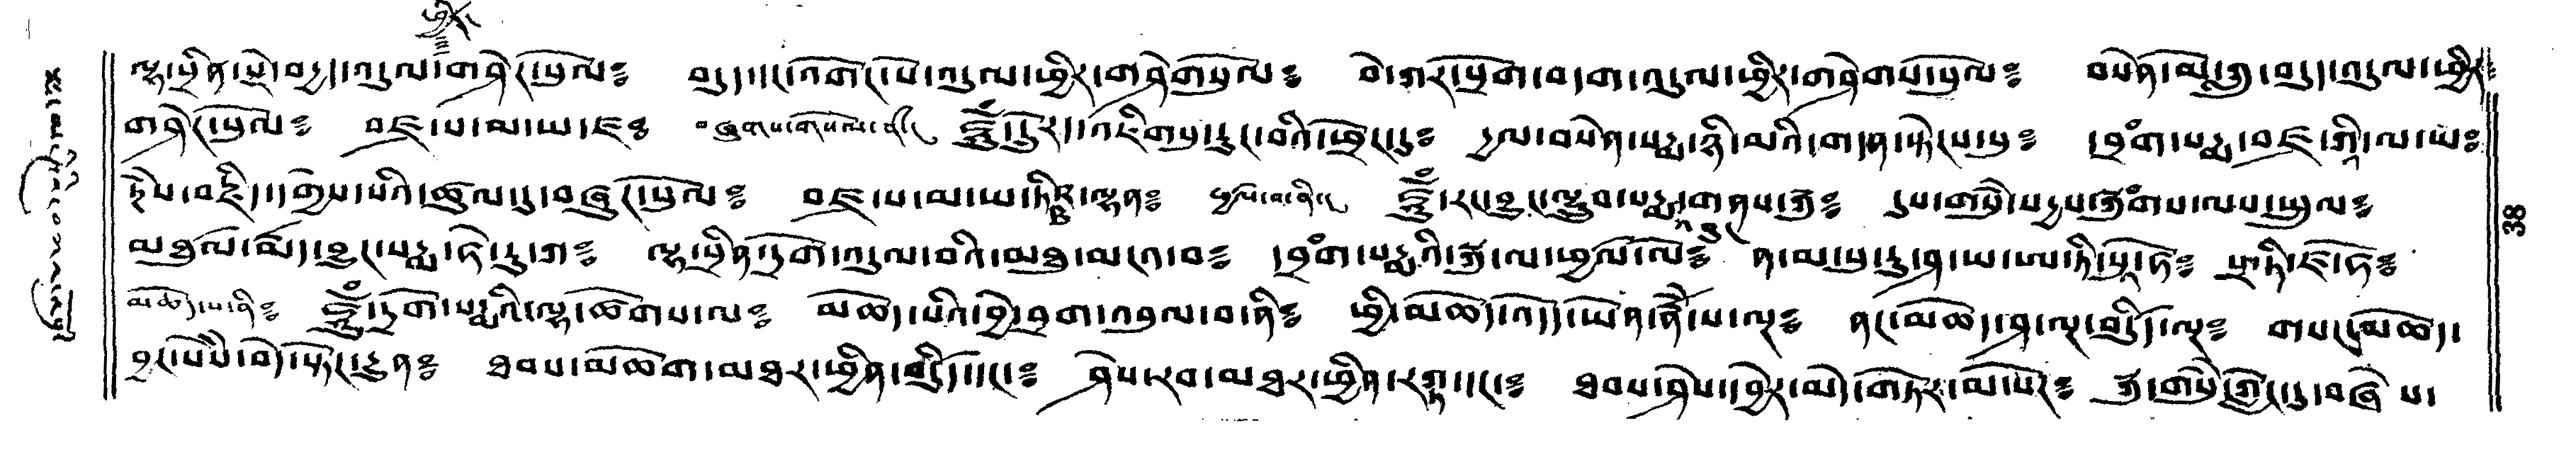ལྷ་སྲིན་སྡེ་བརྒྱད་འདུལ་ཕྱིར་གཤེགས་སུ་གསོལ༔ བདུད་དང་འགོང་པོ་འདུལ་ཕྱིར་གཤེགས་སུ་གསོལ༔ པེ་ཀར་སྲོག་བདག་འདུལ་ཕྱིར་བཤེགས་སུ་གསོལ༔ བསེན་མོ་ཀླུ་བདུད་འདུལ་ཕྱིར་
གཤེགས་སུ་གསོལ༔ བཛྲ་ས་མ་ཡ་ཛ༔ བཞུགས་གསོལ་ནི། ཧཱུྃ༔དུར་ཁྲོད་འཇིགས་སུ་རུང་བའི་ཕོ་བྲང་དུ༔ རྒྱལ་བསེན་པདྨ་ཉི་མའི་གདན་སྟེང་དུ༔ དབང་དྲག་པདྨ་བཛྲ་ཀཱི་ལ་ཡ༔ 
རྔམ་བརྗིད་དགྱེས་པའི་ཚུལ་དུ་བཞུགས་སུ་གསོལ༔ བཛྲ་ས་མ་ཡ་ཏིཥྛ་ལྷན༔ ཕྱག་འཚལ་བ་ནི། ཧཱུྃ༔རང་བྱུང་ལྷུན་གྲུབ་པདྨ་འབྱུང་གནས་སྐུ༔ དུས་གསུམ་སངས་རྒྱས་སྐུ་གསུང་ཐུགས་ལས་སྤྲུལ༔ 
མཐུ་རྩལ་རྨད་བྱུང་པདྨ་ཧེ་རུ་ཀ༔ ལྷ་སྲིན་དྲག་པོ་འདུལ་བའི་མཐུ་མངའ་བ༔ དབང་དྲག་པདྨའི་སྐུ་ལ་ཕྱག་འཚལ་ལོ༔ ན་མ་པུ་རུ་ཤ་ཡ་ཨ་ཏི་པཱུ་ཧོ༔ པྲ་ཏི་ཛ་ཧོ༔ 
མཆོད་པ་ནི། ཧཱུྃ༔དྲག་པོ་པདྨའི་ལྷ་ཚོགས་ལ༔ མཆོད་པའི་བྱེ་བྲག་འབུལ་བ་ནི༔ ཕྱི་མཆོད་འདོད་ཡོད་རྣམ་པ་ལྔ༔ ནང་མཆོད་ཤ་ལྔ་བདུད་རྩི་ལྔ༔ གསང་མཆོད་
བྱང་སེམས་བདེ་སྟོང་རྒྱུན༔ ཐབས་མཆོག་མཐར་ཕྱིན་བདུད་རྩི་དང༔ ཤེས་རབ་མཐར་ཕྱིན་རཀྟ་དང༔ ཐབས་ཤེས་དབྱེར་མེད་གཏོར་མ་སོགས༔ སྐུ་གསུམ་ཀློང་དུ་བཞེས་